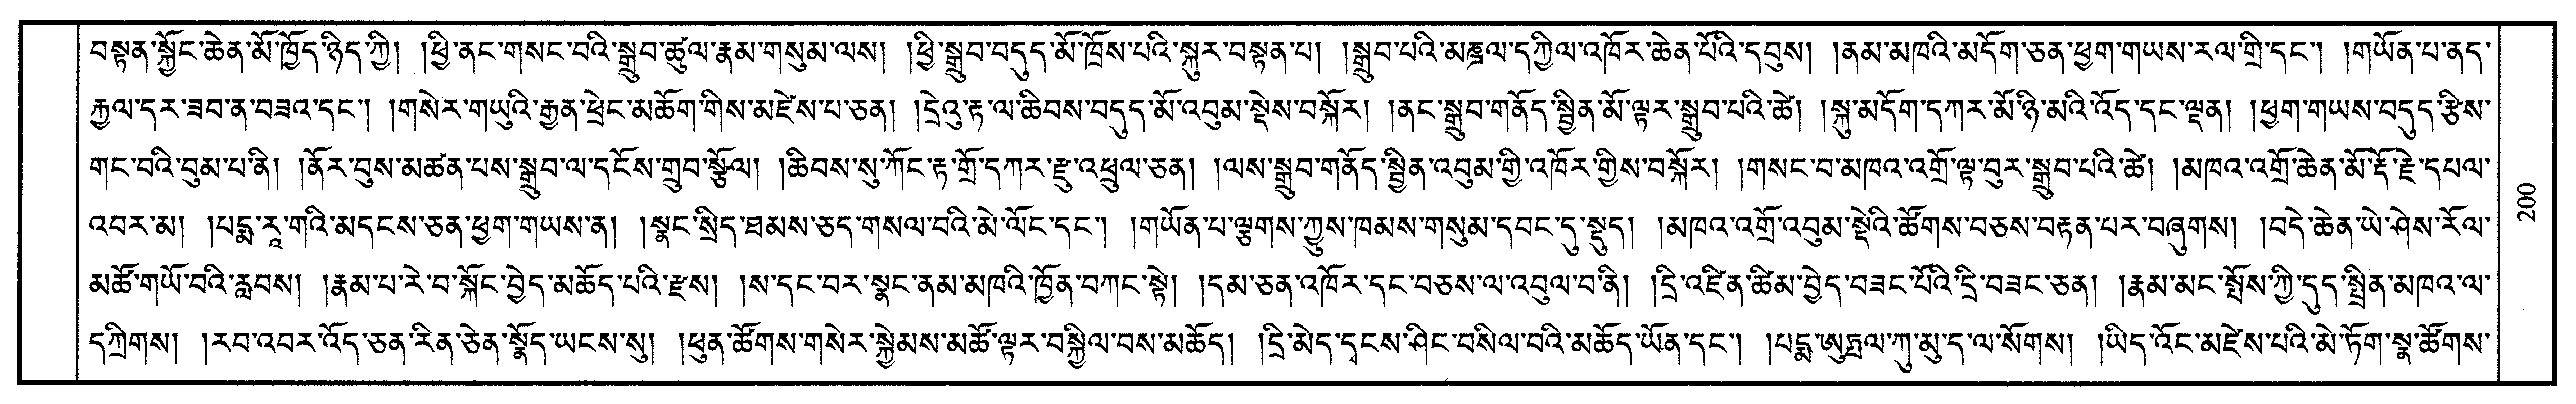བསྟན་སྐྱོང་ཆེན་མོ་ཁྱོད་ཉིད་ཀྱི། །ཕྱི་ནང་གསང་བའི་སྒྲུབ་ཚུལ་རྣམ་གསུམ་ལས། །ཕྱི་སྒྲུབ་བདུད་མོ་ཁྲོས་པའི་སྐུར་བསྟན་པ། །སྒྲུབ་པའི་མཎྜལ་དཀྱིལ་འཁོར་ཆེན་པོའི་དབུས། །ནམ་མཁའི་མདོག་ཅན་ཕྱག་གཡས་རལ་གྲི་དང་། །གཡོན་པ་ནད་
རྐྱལ་དར་ཟབ་ན་བཟའ་དང་། །གསེར་གཡུའི་རྒྱན་ཕྲེང་མཆོག་གིས་མཛེས་པ་ཅན། །དྲེའུ་རྟ་ལ་ཆིབས་བདུད་མོ་འབུམ་སྡེས་བསྐོར། །ནང་སྒྲུབ་གནོད་སྦྱིན་མོ་ལྟར་སྒྲུབ་པའི་ཚེ། །སྐུ་མདོག་དཀར་མོ་ཉི་མའི་འོད་དང་ལྡན། །ཕྱག་གཡས་བདུད་རྩིས་
གང་བའི་བུམ་པ་ནི། །ནོར་བུས་མཚན་པས་སྒྲུབ་ལ་དངོས་གྲུབ་སྩོལ། །ཆིབས་སུ་ཀོང་རྟ་གྲོ་དཀར་རྫུ་འཕྲུལ་ཅན། །ལས་སྒྲུབ་གནོད་སྦྱིན་འབུམ་གྱི་འཁོར་གྱིས་བསྐོར། །གསང་བ་མཁའ་འགྲོ་ལྟ་བུར་སྒྲུབ་པའི་ཚེ། །མཁའ་འགྲོ་ཆེན་མོ་རྡོ་རྗེ་དཔལ་
འབར་མ། །པདམ་རཱ་གའི་མདངས་ཅན་ཕྱག་གཡས་ན། །སྣང་སྲིད་ཐམས་ཅད་གསལ་བའི་མེ་ལོང་དང་། །གཡོན་པ་ལྕགས་ཀྱུས་ཁམས་གསུམ་དབང་དུ་སྡུད། །མཁའ་འགྲོ་འབུམ་སྡེའི་ཚོགས་བཅས་བརྟན་པར་བཞུགས། །བདེ་ཆེན་ཡེ་ཤེས་རོལ་
མཚོ་གཡོ་བའི་རླབས། །རྣམ་པ་རེ་བ་སྐོང་བྱེད་མཆོད་པའི་རྫས། །ས་དང་བར་སྣང་ནམ་མཁའི་ཁྱོན་བཀང་སྟེ། །དམ་ཅན་འཁོར་དང་བཅས་ལ་འབུལ་བ་ནི། །དྲི་འཛིན་ཚིམ་བྱེད་བཟང་པོའི་དྲི་བཟང་ཅན། །རྣམ་མང་སྤོས་ཀྱི་དུད་སྤྲིན་མཁའ་ལ་
དཀྲིགས། །རབ་འབར་འོད་ཅན་རིན་ཅེན་སྣོད་ཡངས་སུ། །ཕུན་ཚོགས་གསེར་སྐྱེམས་མཚོ་ལྟར་བསྐྱིལ་བས་མཆོད། །དྲི་མེད་དྭངས་ཤིང་བསིལ་བའི་མཆོད་ཡོན་དང་། །པདམ་ཨུཏྤལ་ཀུ་མུ་ད་ལ་སོགས། །ཡིད་འོང་མཛེས་པའི་མེ་ཏོག་སྣ་ཚོགས་